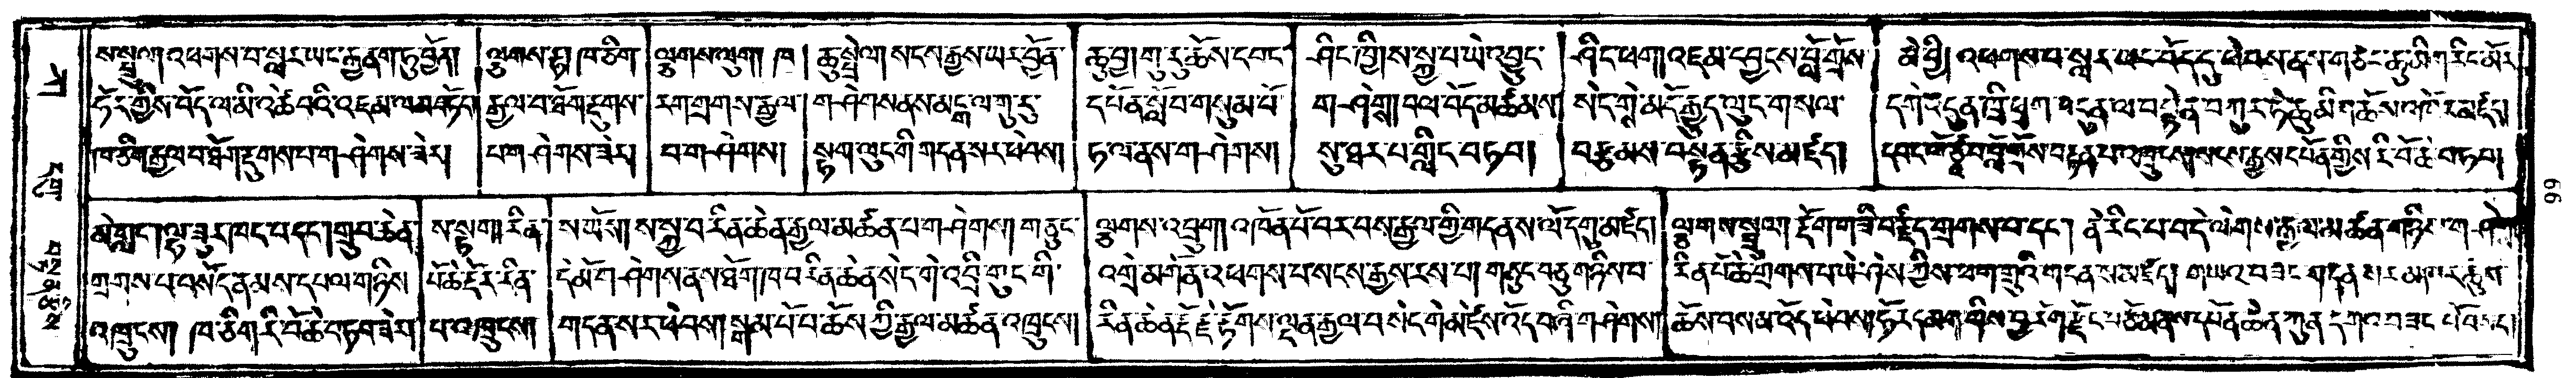༄༅། །ས་སྦྲུལ། འཕགས་པ་སླར་ཡང་རྒྱ་ནག་ཏུ་བྱོན། ལྕགས་རྟ། ཁ་ཅིག་ལྕགས་ལུག། ཁ། ཆུ་སྤྲེལ། སངས་རྒྱས་ཡར་བྱོན་ཆུ་བྱ། གུ་རུ་ཆོས་དབང་ཤིང་ཁྱི། ས་སྐྱ་པ་ཡེ་འབྱུང་ཤིང་ཕག། འཇམ་དབྱངས་བློ་གྲོས་མི་བྱི། འཕགས་པ་སླར་ཡང་བོད་དུ་ཕེབས་ནས་གཙང་ཆུ་མིག་རིང་མོར་
ཧོར་གྱིས་བོད་ལ་མི་འཚེ་བའི་འཇམ་ལམ་བཏོང་རྒྱལ་བ་ཐོག་རྡུག་རག་གྲགས་རྒྱལ་གཤེགས་ནས་མངྒ་ལ་གུ་རུ་དཔོན་སློབ་གསུམ་པོ་གཤེགས། བལ་བོད་མཚམས་སེང་གེས་མདོ་རྒྱུད་ལུང་གསལ་དགེ་འདུན་ཁྲི་ཕྲག་བདུན་ལ་བསྙེན་བཀུར་ཏེ་ཆུ་མིག་ཆོས་འཁོར་མཛད།
ཁ་ཅིག་རྒྱལ་བ་ཐོག་རྡུགས་པ་གཤེགས་ཟེར། པ་གཤེགས་ཟེར། པ་གཤེགས། སྟག་ལུང་གི་གདན་སར་ཕེབས། ཧ་ལ་ནས་གཤེགས། སུ་ཐར་པ་གླིང་བཏབ། བརྩམས་བསྟན་རྩིས་མཛད། དབང་ལོ་ཙཱ་བ་བློ་གྲོས་བརྟན་པ་འཁྲུངས། སངས་རྒྱས་དཔོན་གྱིས་རི་བོ་ཆེ་བཏབ།
མེ་གླང་། ལྷ་ཟུར་ཁང་བ་དང་། གྲུབ་ཆེན་ས་སྟག། རིན་ས་ཡོས། ས་སྐྱ་བ་རིན་ཆེན་རྒྱལ་མཚན་པ་གཤེགས། གཅུང་ལྕགས་འབྲུག། འཁོན་པོ་བར་བས་རྒྱལ་གྱི་གདན་ལོ་དགུ་མཛད། ལྕགས་སྦྲུལ། རྡོག་གཟི་པ་རྗིད་གྲགས་པ་དང་། ནེ་རིང་པ་བདེ་ལེགས་རྒྱལ་མཚན་གཉིད་གཤེགས་
གྲགས་པ་བསོད་ནམས་དཔལ་གཉིས་པོ་ཆེ་རྡོར་རིན་དེ་མོ་གཤེགས་ནས་ཐོག་ཁབ་རིན་ཆེན་སེང་གེ་འབྲི་གུང་གི་འགྲེ་མགོན་འཕགས་པ་སངས་རྒྱས་རས་པ། གཅུང་བཅུ་གཉིས་པ་རིན་པོ་ཆེ་གྲགས་པ་ཡེ་ཤེས་ཀྱིས་བག་གྲུའི་གདན་ས་མཛད། གཡའ་བཟང་གདན་སར་མཁར་ཆུག་
འཁྲུངས། ཁ་ཅིག་རི་བོ་ཆེ་བཏབ་ཟེར། པ་འཁྲུངས། གདན་སར་ཕེབས། སྒམ་པོ་བ་ཆོས་ཀྱི་རྒྱལ་མཚན་འཁྲུངས། རིན་ཆེན་རྡོ་རྗེ་རྟོགས་ལྡན་རྒྱལ་བ་སེང་གེ་མཛེས་འོད་བཞི་གཤེགས། ཆོས་བསམ་འོད་ཕེབས་ཧོར་དམག་གིས་བྱ་རོག་རྫོད་པ་ཅོམ་ནས་དཔོན་ཆེན་ཀུན་དགའ་བཟང་པོ་??།